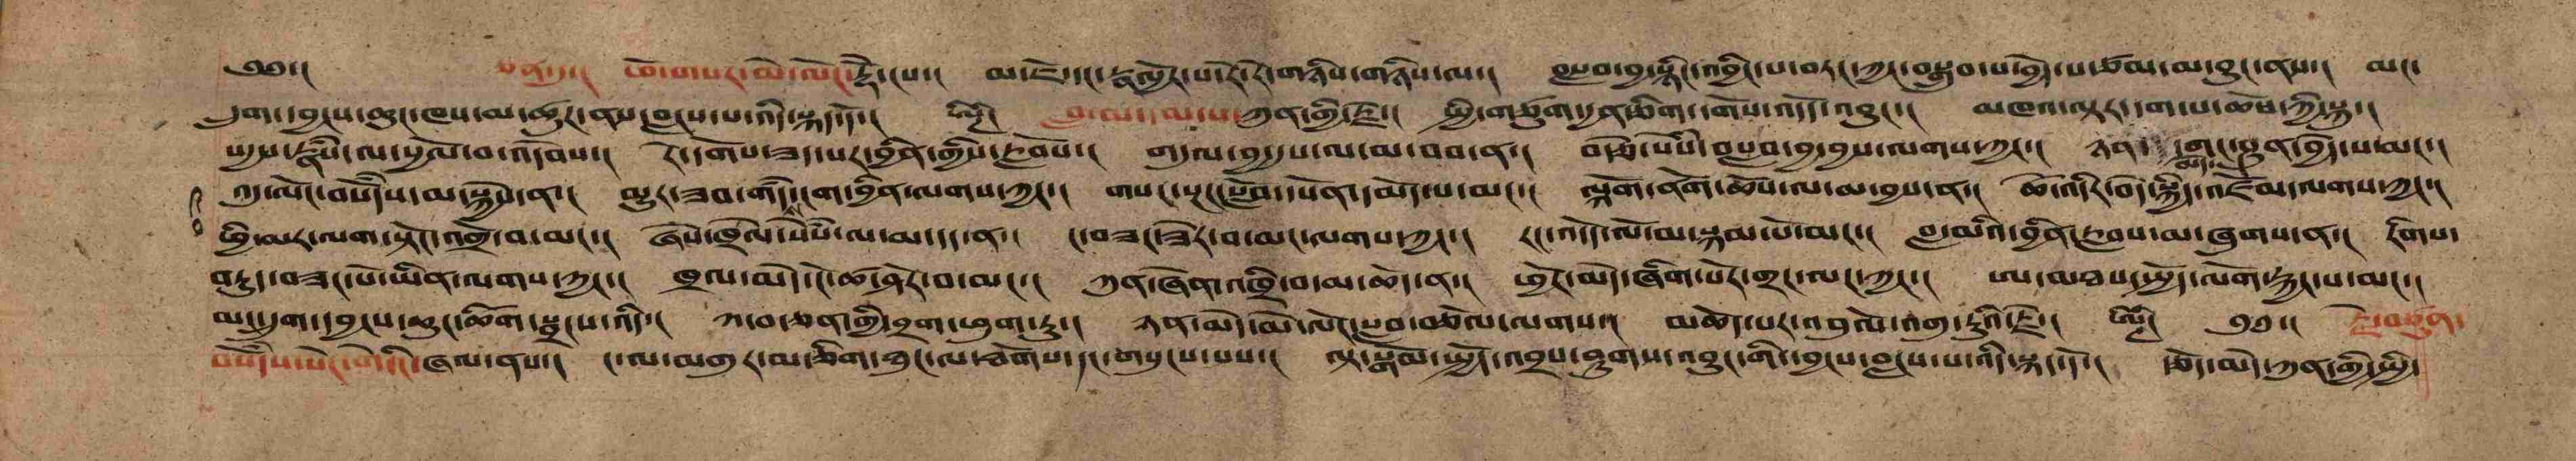༄༅།། ཅན་དུ།། ཕོ་གསར་མེ་ལོང་རྡོ་རྗེ་ངས།། མ་ཇོ་དང་རྣལ་འབྱོར་པ་རེ་རེ་གཉིས་གཉིས་ལ།། བསླབ་བྱ་སྙིང་འབྱིང་པ་བཏང་ཀྱང་བསྒྲུབ་པ་བྱེད་པ་ཙམ་མ་བྱུང་ནས།། མང་
དྲུག་དབྱངས་ཆུང་ཁས་མ་ཚུགས་ནས་བླངས་པ་འདི་སྐད་དོ།། ཨིཊི། བླ་མ་དམ་པ་ཀུན་གྱི་རྗེ།། སྤྱི་གཙུག་རྒྱན་ཅིག་དགོས་འདོད་འབྱུང་།། མཁའ་ལྟར་དག་པ་ཆོས་ཀྱི་སྐུ།། 
སངས་རྒྱས་རྣམས་ལ་གསོལ་བ་འདེབས།། རེ་དོགས་ཟད་པར་བྱིན་གྱིས་རློབས།། གདུལ་བྱ་ས་ལ་མ་བབ་ན།། བརྩེ་སེམས་བསླབ་བྱ་བྱས་ལགས་ཀྱང་།། ཉན་མདོག་དགང་ཤུན་བྱེད་པ་མང་།། 
འདུ་ལོང་བསོད་ནམས་མ་སྐྱེས་ན།། མྱུར་ཟབ་གདམ་ངག་བྱིན་ལགས་ཀྱང་།། གསང་སྔགས་སློབ་དཔོན་དམོད་པ་མང་།། ལྐོག་ནོག་ཆོས་ལ་མ་བྱས་ན།། ཚེ་འདིར་བདེ་སྐྱིད་འཛོམ་ལགས་ཀྱང་།། 
ཕྱི་མར་ལག་སྟོང་འགྲོ་བ་མང་།། ཞེས་ཁྲེལ་སེམས་ལ་མ་དད་ན།། ང་བཟང་ཟེར་བ་མང་ལགས་ཀྱང་།། རང་འདོད་ལོ་མ་སྐམ་པོ་མང་།། བླ་མའི་བྱིན་རླབས་མ་ཞུགས་ན།། རིགས་
བརྒྱུད་བཟང་པོ་ཡིན་ལགས་ཀྱང་།། ཁྲེལ་མེད་ངོ་ཚ་ཤོར་བ་མང་།། ཀུན་ཞེན་འཁྲི་བ་མ་ཆོད་ན།། ཕྱོགས་མེད་ཞིག་པོར་གྲགས་ལགས་ཀྱང་།། ཨ་འཐས་སྤྱོད་ལོག་རྐྱང་པ་མང་།། 
མང་དྲུག་དབྱངས་ཆུང་ཚིག་སྦྲང་འདི།། ཀ་བ་ཅན་གྱི་བྲག་ཕུག་ཏུ།། ཉན་མེད་མེ་ལོང་བསླབ་གཅོལ་ལགས།། མཆོད་པར་འབུལ་ལོ་འགུ་རུའི་རྗེ།། ཨིཊི། ༄༅།། རྗེ་བཙུན་
བསོད་ནམས་སེང་གེའི་ཞལ་ནས།། ང་ལ་མགུར་མ་གཅིག་ཐུགས་ལ་ཐོགས་དང་གསུངས་པས།། ལྟ་སྒོམ་སྤྱོད་འབྲས་ཤུགས་འབྱུང་གི་དབྱངས་བླངས་པ་འདི་སྐད་དོ།། རྩོད་མེད་ཀུན་གྱི་སྤྱི་